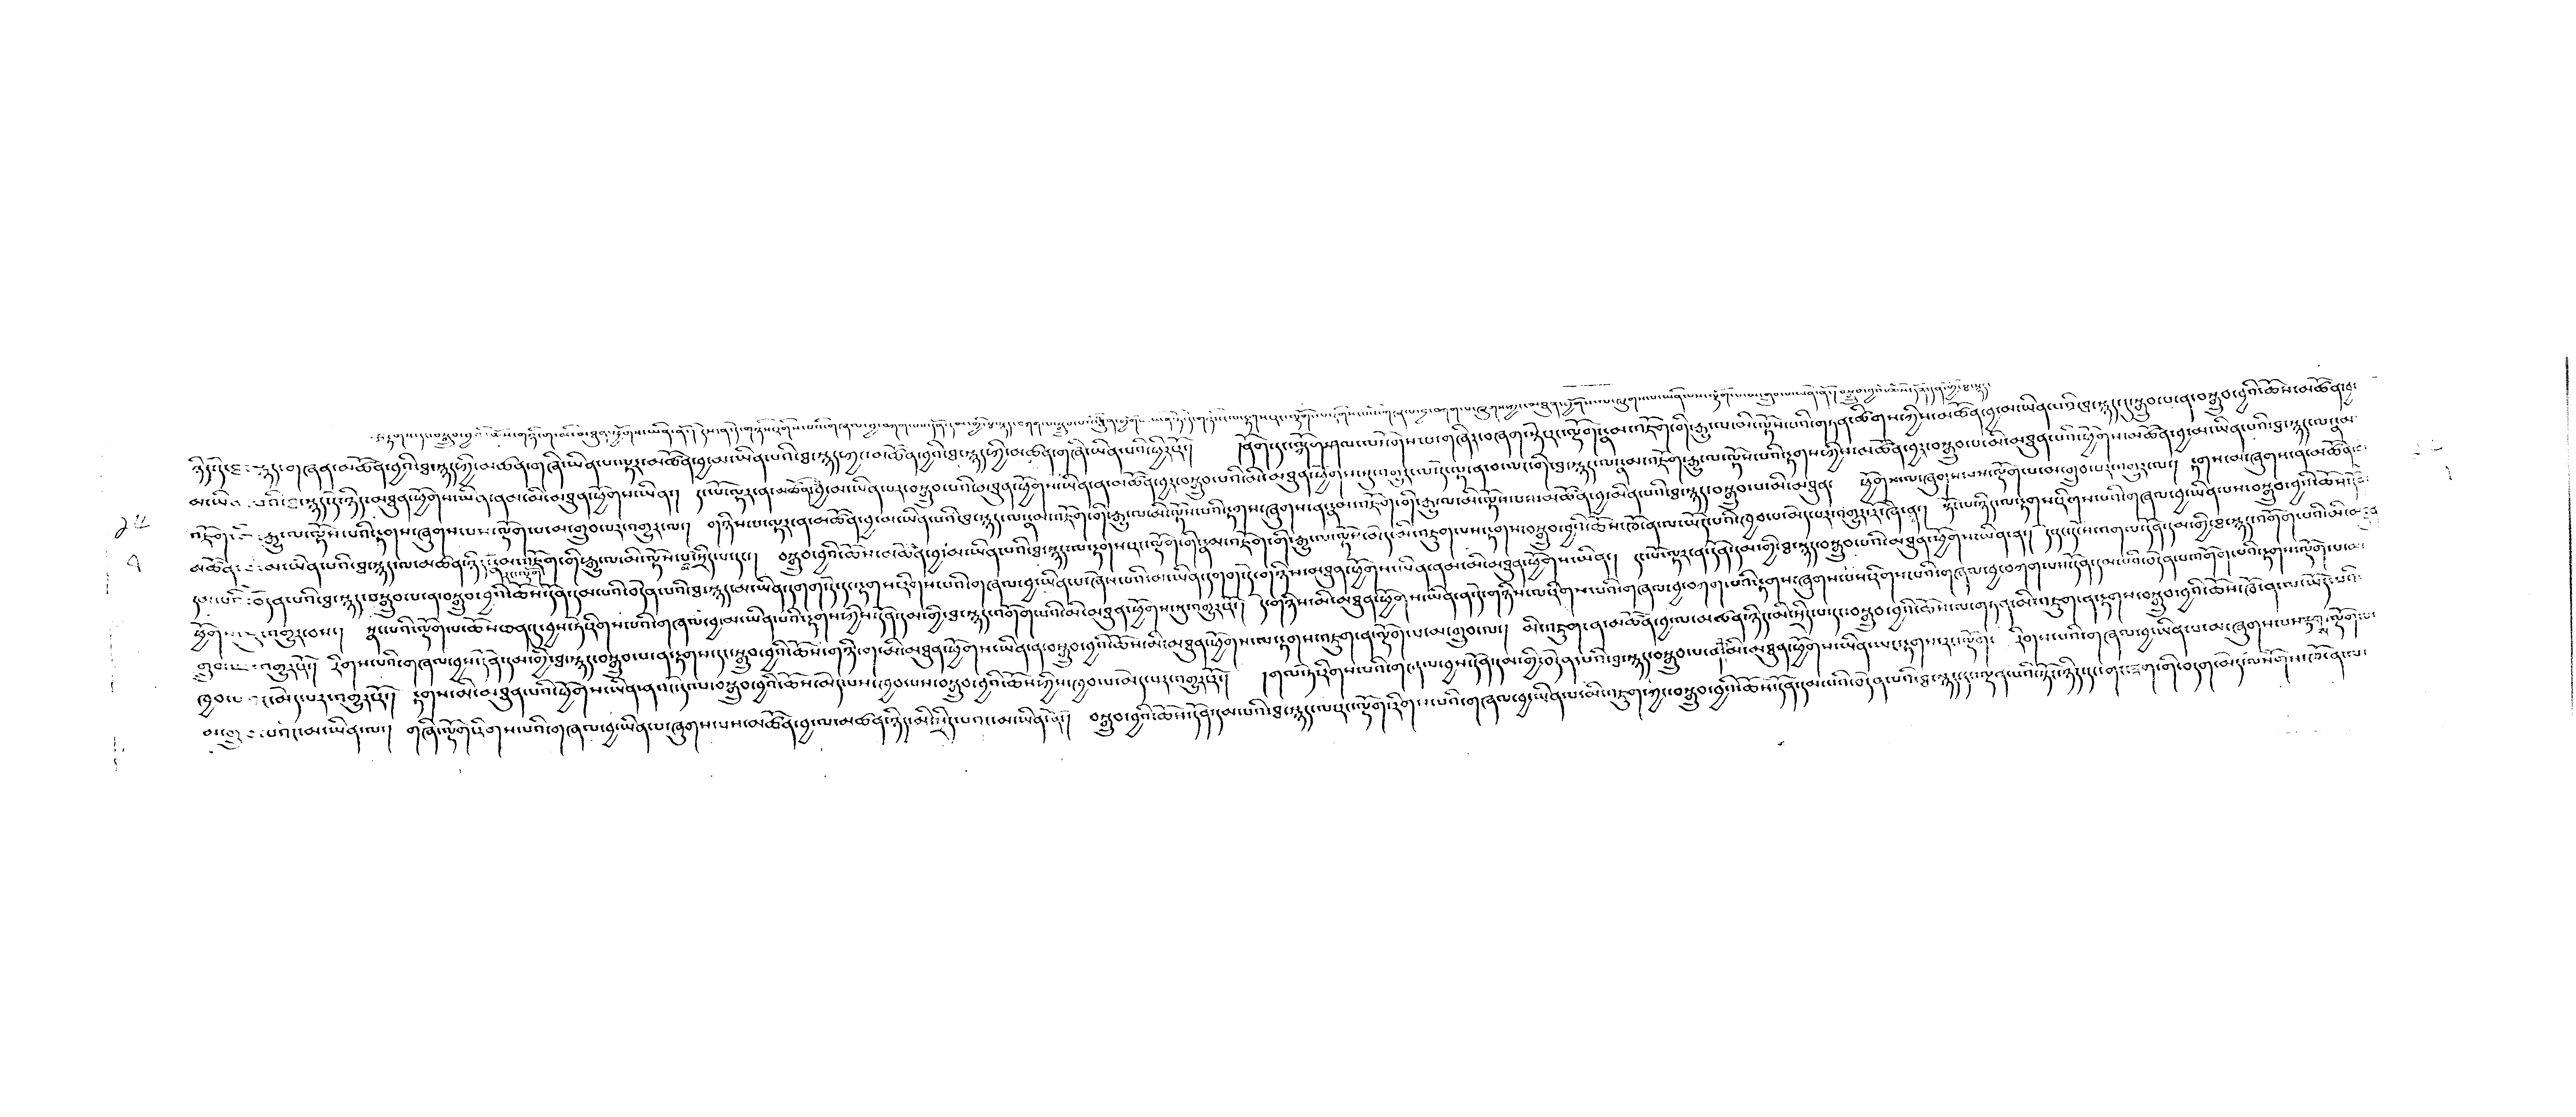ཉིད་དེ་ཐ་སྙད་གཞན་མཚོན་བྱའི་ཐ་སྙད་ཀྱི་མཚན་གཞི་ཡིན་པ་ལྟར་མཚོན་བྱ་མ་ཡིན་པའི་ཐ་སྙད་ཀྱང་མཚོན་བྱའི་ཐ་སྙད་ཀྱི་མཚན་གཞི་ཡིན་པའི་ཕྱིར་རོ། །ནོག་དང་ལྐོག་ཤལ་ལ་སོགས་པ་གཞིར་བཞག་སྟེ་རང་ལྡོག་རྣམ་འཇོག་གི་རྒྱུ་ལ་མི་ལྟོས་པའི་གཏན་ཚིགས་ཀྱིས་མཚོན་བྱ་མ་ཡིན་པའི་ཐ་སྙད་དུ་སྒྲུབ་པ་ན་བསྒྲུབ་བྱའི་ཆོས་མཚོན་བྱ་
མ་ཡིན་པའི་ཐ་སྙད་དེ་ཉིད་མཐུན་ཕྱོགས་ཡིན་ནམ་མི་མཐུན་ཕྱོགས་ཡིན། དང་པོ་ལྟར་ན་མཚོན་བྱ་མ་ཡིན་པར་བསྒྲུབ་པའི་མཐུན་ཕྱོགས་ཡིན་ན་མཚོན་བྱར་བསྒྲུབ་པའི་མི་མཐུན་ཕྱོགས་སུ་འགྱུར་ལ་དེ་ལྟ་ན་བ་ལང་གི་ཐ་སྙད་ལ་རྣམ་འཇོག་རྒྱུ་ལ་ལྟོས་པའི་རྟགས་ཀྱིས་མཚོན་བྱར་བསྒྲུབ་པ་མི་མཐུན་པའི་ཕྱོགས་མཚོན་བྱ་མ་ཡིན་པའི་ཐ་སྙད་ལ་རྣམ་
འཇོག་གི་རྒྱུ་ལ་ལྟོས་པའི་རྟགས་ཞུགས་པས་ལྡོག་པ་མ་གྲུབ་པར་འགྱུར་ལ། གཉིས་པ་ལྟར་ན་མཚོན་བྱ་མ་ཡིན་པའི་ཐ་སྙད་ལ་རྣམ་འཇོག་གི་རྒྱུ་ལ་མི་ལྟོས་པའི་རྟགས་ཞུགས་ན་རྣམ་འཇོག་གི་རྒྱུ་ལ་མི་ལྟོས་པ་མཚོན་བྱ་མིན་པའི་ཐ་སྙད་བསྒྲུབ་པ་མི་མཐུན་ཕྱོགས་ལ་ཞུགས་པས་ལྡོག་པ་མ་གྲུབ་པར་འགྱུར་ལ། རྟགས་མ་ཞུགས་ན་མཚོན་བྱ་
མཚོན་བྱ་མ་ཡིན་པའི་ཐ་སྙད་ལ་མཚན་ཉིད་རྣམ་འཇོག་གི་རྒྱུ་ལ་མི་ལྡོས་པ་མི་སྲིད་པ་དང་། བསྒྲུབ་བྱའི་ཆོས་མཚོན་བྱ་མ་ཡིན་པའི་ཐ་སྙད་ལ་རྟགས་རང་ལྡོག་གི་རྣམ་འཇོག་གི་རྒྱུ་ལ་ལྟོས་མེད་མི་འཇུག་པས་རྟགས་བསྒྲུབ་བྱའི་ཆོས་ཁོ་ན་ལ་ཡོད་པའི་ཁྱབ་པ་མེད་པར་འགྱུར་རོ་ཞེ་ན། སྟོང་པ་ཉིད་ལ་རྟགས་རིགས་པའི་གཞལ་བྱ་ཡིན་པ་བསྒྲུབ་བྱའི་ཆོས་དོན་
དམ་པའི་བདེན་པའི་ཐ་སྙད་བསྒྲུབ་པ་ན་བསྒྲུབ་བྱའི་ཆོས་དོན་དམ་པའི་བདེན་པའི་ཐ་སྙད་མ་ཡིན་དགག་དེ་དང་རྟགས་རིགས་པའི་གཞལ་བྱ་ཡིན་པ་ཞེས་པའི་མ་ཡིན་དགག་དེ་གཉིས་མཐུན་ཕྱོགས་ཡིན་ནམ་མི་མཐུན་ཕྱོགས་ཡིན། དང་པོ་ལྟར་ན་དོན་དམ་གྱི་ཐ་སྙད་བསྒྲུབ་པའི་མཐུན་ཕྱོགས་ཡིན་ན། དེ་དང་དངོས་འགལ་དོན་དམ་གྱི་ཐ་སྙད་འགོག་པའི་མི་མཐུན་
ཕྱོགས་སུ་འགྱུར་བས། སྣང་པའི་ལྡོག་པ་ཆོས་ཅན་དུ་བྱས་ཏེ་རིགས་པའི་གཞལ་བྱ་མ་ཡིན་པའི་རྟགས་ཀྱིས་དོན་དམ་གྱི་ཐ་སྙད་འགོག་པའི་མི་མཐུན་ཕྱོགས་སུ་འགྱུར་རོ། དེ་གཉིས་མི་མཐུན་ཕྱོགས་ཡིན་ན་དེ་གཉིས་ལ་རིགས་པའི་གཞལ་བྱ་བཀག་པའི་རྟགས་ཞུགས་པས་རིགས་པའི་གཞལ་བྱ་བཀག་པས་དོན་དམ་པའི་བདེན་པ་འགོག་པའི་རྟགས་ལྡོག་པ་མ་
གྲུབ་པར་འགྱུར་རོ། རིགས་པའི་གཞལ་བྱས་དོན་དམ་གྱི་ཐ་སྙད་བསྒྲུབ་པ་ན་རྟགས་དང་སྒྲུབ་བྱའི་ཆོས་གཉི་ག་མི་མཐུན་ཕྱོགས་ཡིན་ན་བསྒྲུབ་བྱའི་ཆོས་མི་མཐུན་ཕྱོགས་ལ་རྟགས་འཇུག་ན་ལྡོག་པ་མ་གྲུབ་ལ། མི་འཇུག་ན་མཚོན་བྱ་ལ་མཚན་ཉིད་མི་སྲིད་པ་དང་བསྒྲུབ་བྱའི་ཆོས་ལ་གཏན་མི་འཇུག་ན་རྟགས་བསྒྲུབ་བྱའི་ཆོས་ཁོ་ན་ལ་ཡོད་པའི་
ཁྱབ་པའང་མེད་པར་འགྱུར་རོ། རྟགས་མི་མཐུན་པའི་ཕྱོགས་ཡིན་ནའང་དེ་ལ་བསྒྲུབ་བྱའི་ཆོས་མེད་པས་ཁྱབ་པས་བསྒྲུབ་བྱའི་ཆོས་ཀྱིས་ཁྱབ་པ་མེད་པར་འགྱུར་རོ། །གལ་ཏེ་རིགས་པའི་གཞལ་བྱས་དོན་དམ་གྱི་བདེན་པའི་ཐ་སྙད་བསྒྲུབ་པ་ནི་མི་མཐུན་ཕྱོགས་ཡིན་ཡང་རྟགས་རང་ལྡོག་རིགས་པའི་གཞལ་བྱ་ཡིན་པ་མ་ཞུགས་པས་རྟགས་ལྡོག་པ་
མ་གྲུབ་པའང་མ་ཡིན་ལ། གཞི་ལྡོག་རིགས་པའི་གཞལ་བྱ་ཡིན་པ་ཞུགས་པས་མཚོན་བྱ་ལ་མཚན་ཉིད་མི་སྲིད་པའང་མ་ཡིན་ནོ། བསྒྲུབ་བྱའི་ཆོས་དོན་དམ་པའི་ཐ་སྙད་ལ་རང་ལྡོག་རིགས་པའི་གཞལ་བྱ་ཡིན་པ་མི་འཇུག་ཡང་བསྒྲུབ་བྱའི་ཆོས་དོན་དམ་པའི་བདེན་པའི་ཐ་སྙད་དང་ལྡན་པའི་སྟོང་ཉིད་དང་གང་ཟག་གི་བདག་མེད་ལ་སོགས་ཁོ་ན་ལ་